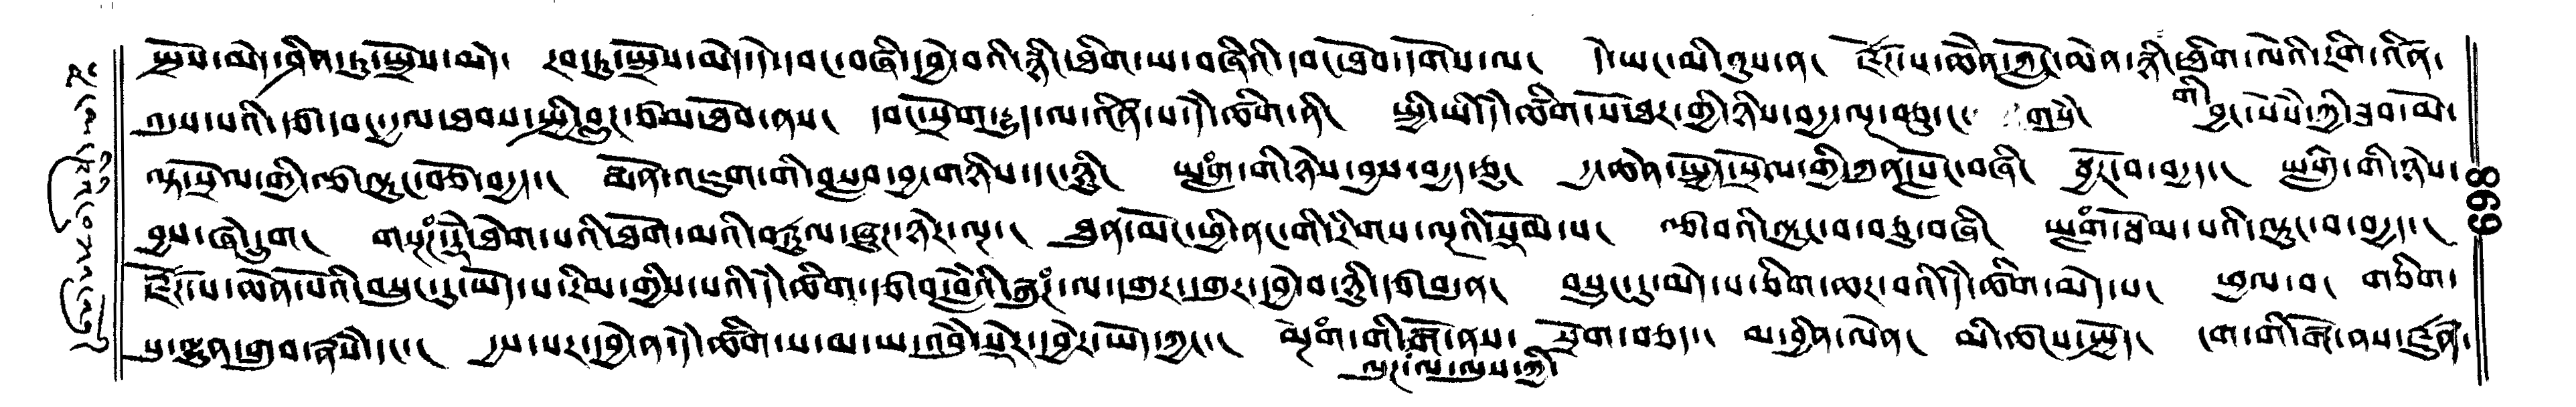སྤྲོས་མེད་ཤིན་ཏུ་སྤྲོས་མེད། རབ་ཏུ་སྤྲོས་མེད་དེ་དབང་བཞིར་དབྱེ་བའི་སྙིང་ཐིག་ཡ་བཞིའི་དབང་ཐོབ་དགོས་ལ། དེ་ཡང་མི་ནུས་ན། རྫོགས་པ་ཆེན་པོ་ཀློང་ཆེན་སྙིང་གི་ཐིག་ལེའི་རིག་འཛིན་
འདུས་པའི་རྩ་དབང་རྒྱལ་ཐབས་སྤྱི་བླུགས་ཙམ་ཐོབ་ནས། དབང་སྲོག་རྒྱུད་ལ་འཛིན་པ་དམ་ཚིག་ནི། སྤྱི་ཡི་དམ་ཚིག་སོ་ཐར་གྱི་ཉིས་བརྒྱ་ལྔ་བཅུ་ང་གསུམ། བྱང་སེམས་ཀྱི་ཟབ་མོ་
ལྟ་སྲོལ་གྱི་རྩ་ལྟུང་བཅོ་བརྒྱད། སྨོན་འཇུག་གི་བསླབ་བྱ་གཉིས་དང་ཉི་ཤུ། ཡན་ལག་གི་ཉེས་བྱས་བརྒྱད་ཅུ། རྒྱ་ཆེན་སྤྱོད་སྲོལ་གྱི་ཀུན་སློང་བཞི། སྦྱོར་བ་བརྒྱད། ཡན་ལག་གི་ཉེས་
བྱས་ཞེ་དྲུག གསང་སྔགས་རྡོ་རྗེ་ཐེག་པའི་ཐོག་མའི་བརྟུལ་ཞུགས་ཉེར་ལྔ། ཐུན་མོང་ཕྱི་ནང་གི་རིགས་ལྔའི་སྡོམ་པ། རྩ་བའི་ལྟུང་བ་བཅུ་བཞི། ཡན་ལག་སྦོམ་པོའི་ལྟུང་བ་བརྒྱད། 
རྫོགས་པ་ཆེན་པོའི་སྲུང་དུ་ཡོད་པ་རིམ་གྱིས་པའི་དམ་ཆིག་རྩ་བ་བླ་མའི་སྐུ་གསུང་ཐུགས་ལ་དགུད་གུར་དབྱེ་བ་ཉི་ཤུ་རྩ་བདུན། བསྲུང་དུ་མེད་པ་ཅིག་ཆར་བའི་དམ་ཚིག་མེད་པ། ཕྱལ་བ། གཅིག་
པུ། ལྷུན་གྲུབ་རྣམས་དང་། རྒྱས་པར་དབྱེ་ན་དམ་ཚིག་ས་མ་ཡ་འབུམ་སྡེར་དབྱེ་བ་ཡོད་ཀྱང་། མན་ངག་གི་ལུགས་ལ་ལུས་ཀྱི་སྒོ་ནས། སྲོག་བཅད། མ་བྱིན་ལེན། མི་ཚངས་སྤྱོད། ངག་གི་སྒོ་ནས་རྫུན།